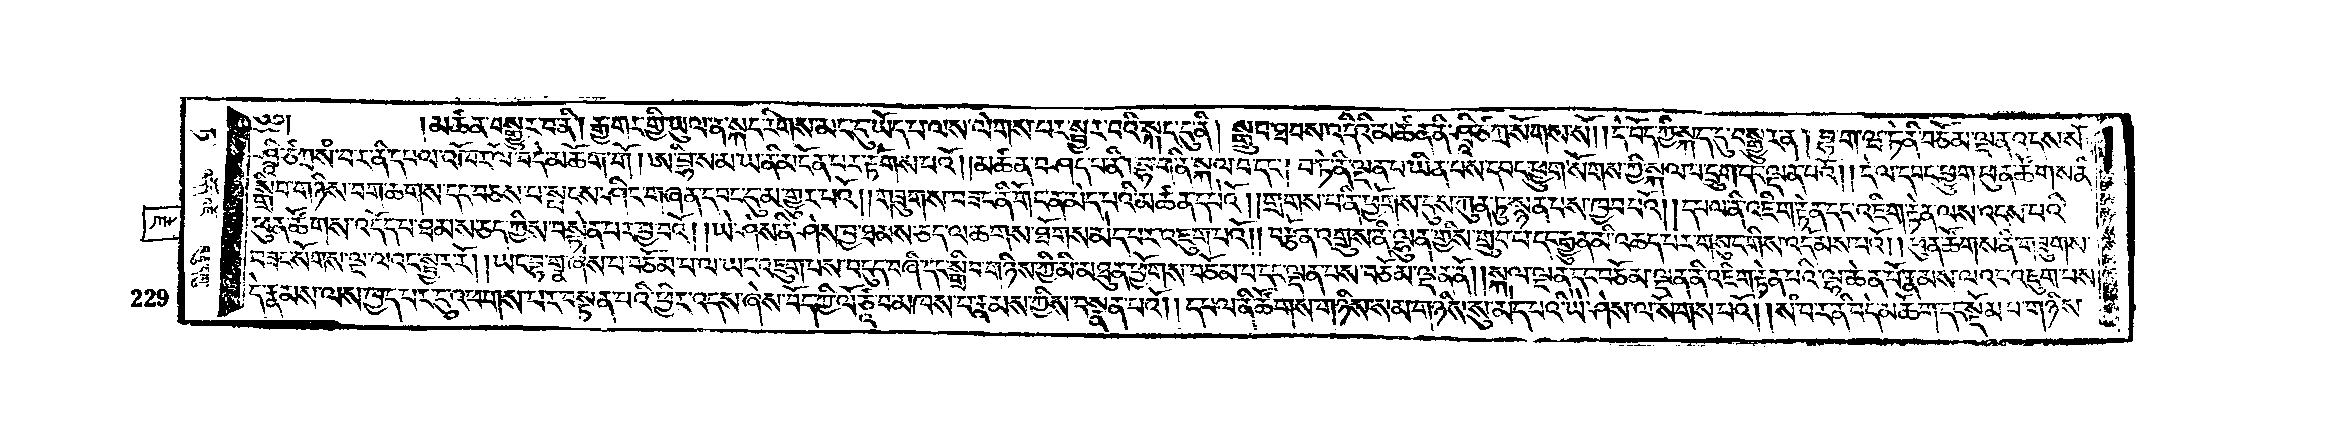༄༅། །མཚན་བསྒྱུར་བ་ནི། རྒྱ་གར་གྱི་ཡུལ་ན་སྐད་རིགས་མང་དུ་ཡོད་པ་ལས་ལེགས་པར་སྦྱར་བའི་སྐད་དུ་ནི། སྒྲུབ་ཐབས་འདིའི་མཚན་ནི་ཤྲཱི་ཙ་ཀྲ་སོགས་སོ། །དེ་བོད་ཀྱི་སྐད་དུ་བསྒྱུར་ན། བྷ་ག་ཝ་ཏེ་ནི་བཅོམ་ལྡན་འདས་སོ། །
ཤྲཱི་ཙ་ཀྲ་སཾ་བ་ར་ནི་དཔལ་འཁོར་ལོ་བདེ་མཆོག་གོ། ཨ་བྷི་ས་མ་ཡ་ནི་མངོན་པར་རྟོགས་པའོ། །མཚན་བཤད་པ་ནི། བྷ་ག་ནི་སྐལ་བ་དང་། བ་ཏེ་ནི་ལྡན་པ་ཡིན་པས་དབང་ཕྱུག་སོགས་ཀྱི་སྐལ་བ་དྲུག་དང་ལྡན་པའོ། །དེ་ལ་དབང་ཕྱུག་ཕུན་ཚོགས་ནི་
སྒྲིབ་གཉིས་བག་ཆགས་དང་བཅས་པ་སྤངས་ཤིང་གཞན་དབང་དུ་མ་གྱུར་པའོ། །གཟུགས་བཟང་ནི་གོང་ན་མེད་པའི་མཚན་དཔེའོ། །གྲགས་པ་ནི་ཕྱོགས་དུས་ཀུན་ཏུ་སྙན་པས་ཁྱབ་པའོ། །དཔལ་ནི་འཇིག་རྟེན་དང་འཇིག་རྟེན་ལས་འདས་པའི་
ཕུན་ཚོགས་འདོད་པ་ཐམས་ཅད་ཀྱིས་བསྟེན་པར་བྱ་བའོ། །ཡེ་ཤེས་ནི་ཤེས་བྱ་ཐམས་ཅད་ལ་ཆགས་ཐོགས་མེད་པར་འཇུག་པའོ། །བརྩོན་འགྲུས་ནི་ལྷུན་གྱིས་གྲུབ་པ་དང་རྒྱུན་མི་འཆད་པར་གསུང་གིས་འདོམས་པའོ། །ཕུན་ཚོགས་ནི་གཟུགས་
བཟང་སོགས་ལྔ་ལའང་སྦྱར་རོ། །ཡང་བྷ་གན་ཞེས་པ་བཅོམ་པ་ལ་ཡང་འཇུག་པས་བདུད་བཞི་དང་སྒྲིབ་གཉིས་ཀྱི་མི་མཐུན་ཕྱོགས་བཅོམ་པ་དང་ལྡན་པས་བཅོམ་ལྡན་ནོ། །སྐལ་ལྡན་དང་བཅོམ་ལྡན་ནི་འཇིག་རྟེན་པའི་ལྷ་ཆེན་པོ་རྣམས་ལའང་འཇུག་པས་
དེ་རྣམས་ལས་ཁྱད་པར་དུ་འཕགས་པར་བསྟན་པའི་ཕྱིར་འདས་ཞེས་བོད་ཀྱི་ལོ་ཙཱ་བ་མཁས་པ་རྣམས་ཀྱིས་བསྣན་པའོ། །དཔལ་ནི་ཚོགས་གཉིས་སམ་གཉིས་སུ་མེད་པའི་ཡེ་ཤེས་ལ་སོགས་པའོ། །སཾ་བ་ར་ནི་བདེ་མཆོག་དང་སྡོམ་པ་གཉིས་